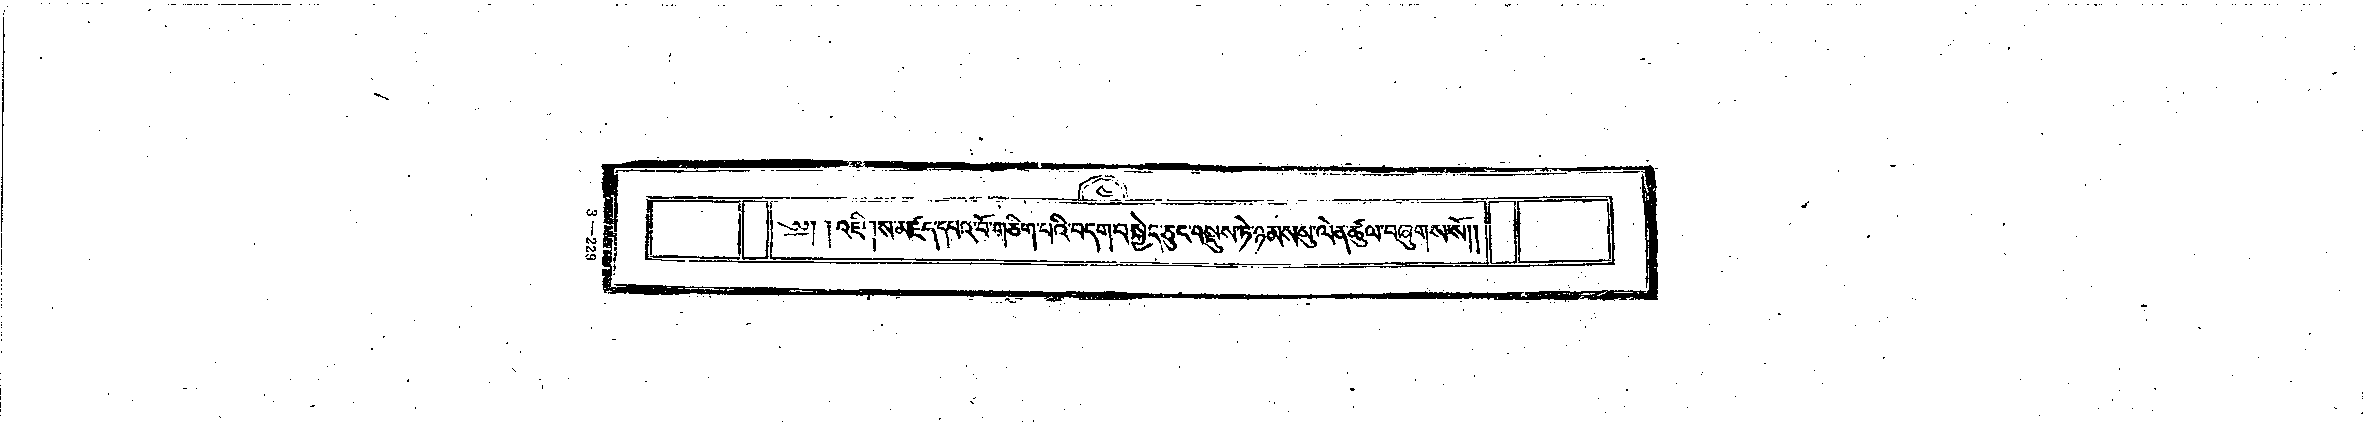༄༅། །འཇིགས་མཛད་དཔའ་བོ་གཅིག་པའི་བདག་བསྐྱེད་ཅུང་བསྡུས་ཏེ་ཉམས་སུ་ལེན་ཚུལ་བཞུགས་སོ།།